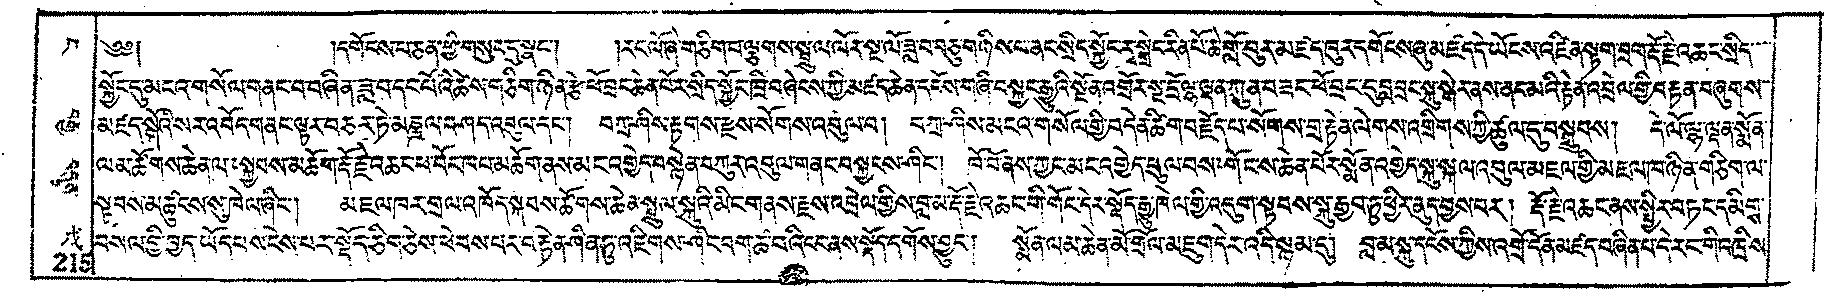༄༅། །དགོངས་པ་ཅན་གྱི་གསུང་དུ་སྣང་། །རང་ལོ་ཞེ་གཅིག་པ་ལྕགས་སྦྲུལ་ལོར་སྔ་ལོ་ཟླ་བ་བཅུ་གཉིས་པ་ནང་སྲིད་སྐྱོང་རྭ་སྒྲེང་རིན་པོ་ཆེ་གློ་བུར་མཛད་ཁུར་དགོངས་ཞུ་མཛད་དེ་ཡོངས་འཛིན་སྟག་བྲག་རྡོ་རྗེ་འཆང་སྲིད་
སྐྱོང་དུ་མངའ་གསོལ་གནང་བ་བཞིན་ཟླ་བ་དང་པོའི་ཚེས་གཅིག་ཉིན་རྩེ་ཕོ་བྲང་ཆེན་པོར་སྲིད་སྐྱོང་ཁྲི་བཞེངས་ཀྱི་མཛད་ཆེན་དངོས་གཞི་བསྐྱང་རྒྱུའི་སྔོན་འགྲོར་སྔ་དྲོ་ལྷ་ལྡན་ཀུན་བཟང་ཕོ་བྲང་དུ་བླ་བྲང་སྐུ་སྒེར་ནས་ནང་མའི་རྟེན་འབྲེལ་གྱི་བརྟན་བཞུགས་
མཛད་སྒོའི་སར་འབོད་གནང་ལྟར་བཅར་ཏེ་མཎྜལ་བཤད་འབུལ་དང་། བཀྲ་ཤིས་རྟགས་རྫས་སོགས་འབུལ་བ། བཀྲ་ཤིས་མངའ་གསོལ་གྱི་བདེན་ཚིག་བརྗོད་པ་སོགས་གྲ་རྟེན་ལེགས་འགྲིགས་ཀྱི་ཚུལ་དུ་བསྒྲུབས། དེ་ལོ་ལྷ་ལྡན་སྨོན་
ལམ་ཚོགས་ཆེན་ལ་༧སྐྱབས་མཆོག་རྡོ་རྗེ་འཆང་ཕ་བོང་ཁ་པ་མཆོག་ནས་མང་འགྱེད་བསྙེན་བཀུར་འབུལ་གནང་བསྐྱངས་ཤིང་། ཁོ་བོ་ནས་ཀྱང་མང་འགྱེད་ཕུལ་བས་༧གོང་ས་ཆེན་པོར་སྨོན་འགྱེད་སྐུ་སྐལ་འབུལ་མཇལ་གྱི་མཇལ་ཁ་ཉིན་གཅིག་ལ་
སྟབས་མཚུངས་སུ་ཁེལ་ཞིང་། མཇལ་ཁར་གྲལ་འཁོད་སྐབས་ཚོགས་ཆེན་སྤྲུལ་སྐུའི་མིང་གནས་རྗས་འབྲེལ་གྱིས་བླ་མ་རྡོ་རྗེ་འཆང་གི་གོང་དེར་སྡོད་རྒྱུ་ཁེལ་གྱི་འདུག་སྟབས་སྐུ་རྒྱབ་ཏུ་ཕྱིར་ནུད་བྱས་པར། རྡོ་རྗེ་འཆང་ནས་སྤྱིར་བཏང་དམིགས་
བསལ་གྱི་ཁྱད་ཡོད་པས་ངེས་པར་སྡོད་ཅིག་ཅེས་ཕེབས་པར་བརྟེན་ཤིན་ཏུ་འཇིགས་ཤིང་བག་ཚ་བའི་ངང་ནས་སྡོད་དགོས་བྱུང་། སྨོན་ལམ་ཆེན་མོ་གྲོལ་མཇུག་དེར་འདི་སྙམ་དུ། བླ་མ་སྐུ་དངོས་ཀྱིས་འགྲོ་དོན་མཛད་བཞིན་པ་དེ་རང་གི་འཁྲིས་